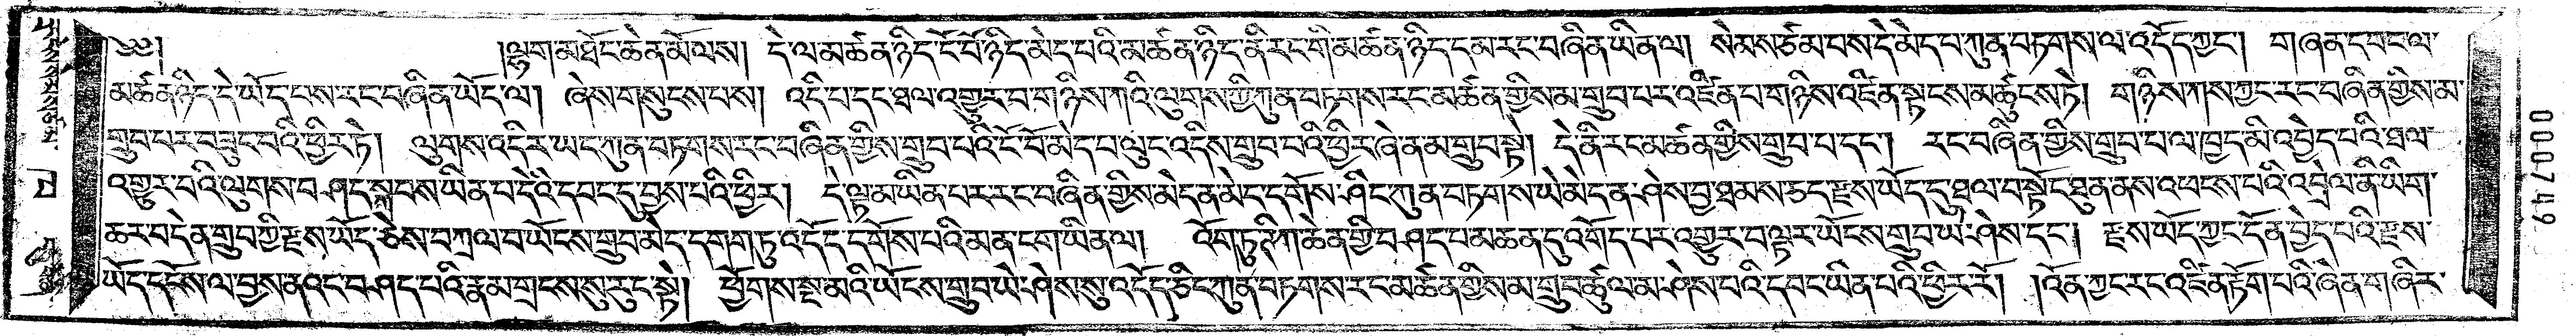༄༅། །ལྷག་མཐོང་ཆེན་མོ་ལས། དེ་ལ་མཚན་ཉིད་ངོ་བོ་ཉིད་མེད་པའི་མཚན་ཉིད་ནི་རང་གི་མཚན་ཉིད་དམ་རང་བཞིན་ཡིན་ལ། སེམས་ཙམ་པས་དེ་མེད་པ་ཀུན་བཏགས་ལ་འདོད་ཀྱང་། གཞན་དབང་ལ་
མཚན་ཉིད་དེ་ཡོད་པས་རང་བཞིན་ཡོད་ལ། ཞེས་གསུངས་པས། འདི་པ་དང་ཐལ་འགྱུར་བ་གཉིས་ཀའི་ལུགས་ཀྱི་ཀུན་བཏགས་རང་མཚན་གྱིས་མ་གྲུབ་པར་འཛིན་པ་གཉིས་འཛིན་སྟངས་མཚུངས་ཏེ། གཉིས་ཀས་ཀྱང་རང་བཞིན་གྱིས་མ་
གྲུབ་པར་བཟུང་བའི་ཕྱིར་ཏེ། ལུགས་འདིར་ཡང་ཀུན་བཏགས་རང་བཞིན་གྱིས་གྲུབ་པའི་ངོ་བོ་མེད་པ་ལུང་འདིས་གྲུབ་པའི་ཕྱིར་ཞེ་ན་མ་གྲུབ་སྟེ། དེ་ནི་རང་མཚན་གྱིས་གྲུབ་པ་དང་། རང་བཞིན་གྱིས་གྲུབ་པ་ལ་ཁྱད་མི་འབྱེད་པའི་ཐལ་
འགྱུར་བའི་ལུགས་བཤད་སྐབས་ཡིན་པ་དེའི་དབང་དུ་བྱས་པའི་ཕྱིར། དེ་ལྟ་མ་ཡིན་པར་རང་བཞིན་གྱིས་མེད་ན་མེད་དགོས་ཤིང་ཀུན་བཏགས་ཡེ་མེད་ན་ཤེས་བྱ་ཐམས་ཅད་རྫས་ཡོད་དུ་ཐལ་བ་སྟོང་ཐུན་ནས་འཕངས་པའི་འབྲེལ་ནི་ཡིག་
ཆར་བདེན་གྲུབ་ཀྱི་རྫས་ཡོད་ཅེས་བཀྲལ་བ་ཡོངས་གྲུབ་མེད་དགག་ཏུ་འདོད་དགོས་པའི་མན་ངག་ཡིན་ལ། འོག་ཏུ་ཊིཀ་ཆེན་གྱི་བཤད་པ་མཆན་དུ་འགོད་པར་འགྱུར་བ་ལྟར་ཡོངས་གྲུབ་ཡེ་ཤེས་དང་། རྫས་ཡོད་ཀྱང་དོན་བྱེད་པའི་རྫས་
ཡོད་དངོས་ལ་བྱས་ནའང་བཤད་པའི་རྣམ་གྲངས་སུ་རུང་སྟེ། ཕྱོགས་སྔ་མའི་ཡོངས་གྲུབ་ཡེ་ཤེས་སུ་འདོད་ཅིང་ཀུན་བཏགས་རང་མཚན་གྱིས་མ་གྲུབ་ཚུལ་མ་ཤེས་པའི་དབང་ཡིན་པའི་ཕྱིར་རོ། །འོན་ཀྱང་རང་འཛིན་རྟོག་པའི་ཞེན་གཞིར་